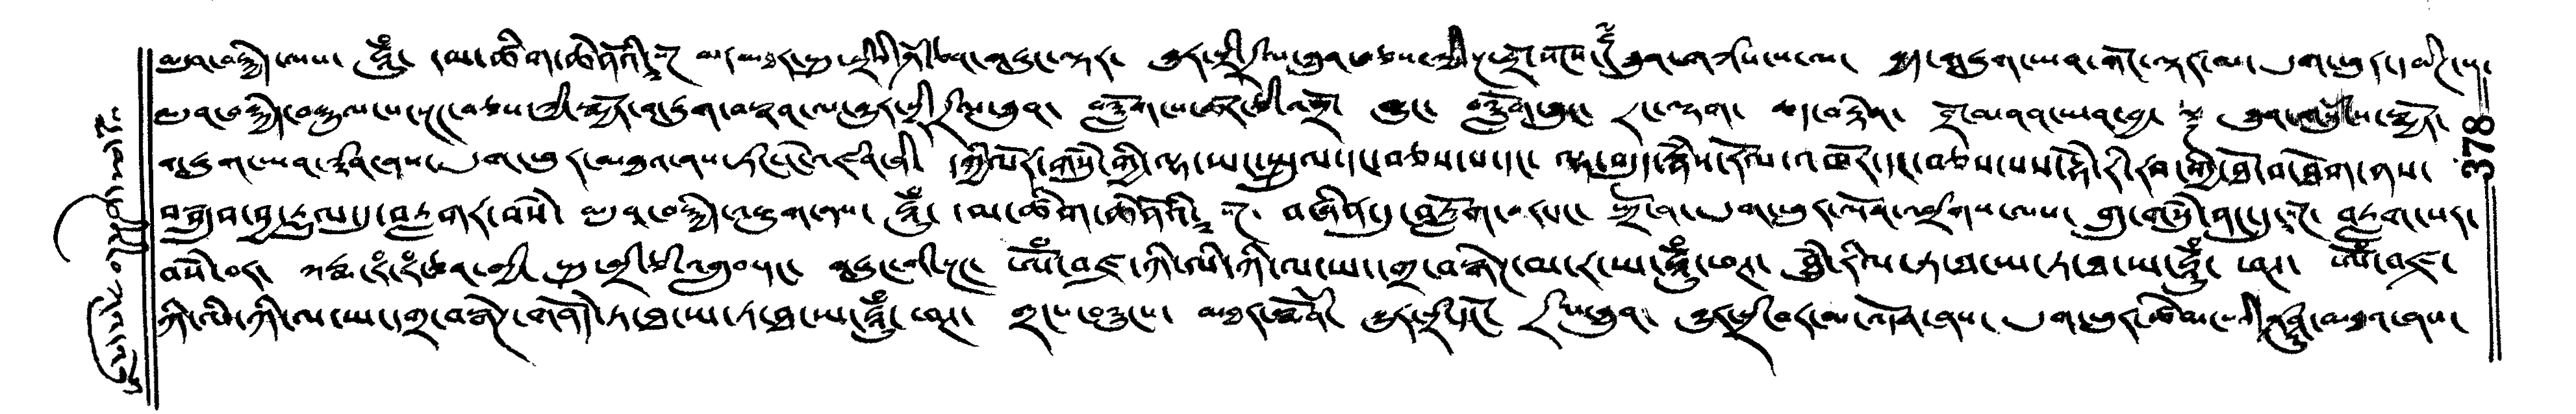མདུན་བསྐྱེད་ལས། ཧཱུྃ༔ དམ་ཚིག་ཆེན་པོའི༴ སོགས། མཐར་སྤུ་གྲིའི་གཤམ་ཅན་གཞུང་ལྟར། བྱུར་སྲི་དྲིལ་ཐུན་བཅས་ཀྱི་སྔ་དྲོ་སོང་། ༈ ཐུན་གཉིས་པ་ལ། བྱད་གཞུག་ཡན་གོང་ལྟར་ལ། དུག་ཕུར་དམིགས་པ། 
མདུན་བསྐྱེད་བསྐུལ་པ་སྔགས་བཅས་ཀྱིས་སྨྱོར་གཞུག་མན་ལ་བྱུར་སྲི་དྲིལ་ཐུན། བཟློག་པ་ཚར་ཅི་འགྲོ། ཁྱུང་། བཟློག་ཐུང་། དྲང་ལྷག ཆད་བརྟན། བྲོ་མནན་ཡན་བྱ། ༈ ཐུན་གསུམ་པ་སྨྱོར་
གཞུག་ཡན་ཟིན་ནས། དུག་ཕུར་མཐའ་ནས་ཏིང་ངེ་འཛིན་ནི། དཀྱིལ་འཁོར་གསུམ་གྱི་ལྷ་ཡང་སྤྲུལ་དང་བཅས་པ་དང་། ལྷ་བདུད་རྣམ་རོལ་འཁོར་དང་བཅས་པས་རྡོ་རྗེ་རི་རབ་གྱི་ཐོ་བ་ཐོགས་ནས་
སྒྲུབ་བྱ་རྡུལ་དུ་བརླག་པར་བསམ། མདུན་བསྐྱེད་འཇུག་ནས། ཧཱུྃ༔ དམ་ཚིག་ཆེན་པོའི༴ སོགས། བཞིན་དུ་བརློག༔ བར་དང་། སྤྲོ་ན། དུག་ཕུར་འདོན་འགྲིགས་ལས། གྲུ་གསུམ་ནང་དུ༴ སོགས། བརླག་པར་
བསམ་བར། ཀརྨ་རཾ་རཾ༴ ཅན་གྱི་སྤུ་གྲི་ཅི་འགྲུབ་དང་། གཞུང་གི་སྔགས། ཨོཾ་བཛྲ་ཀི་ལི་ཀི་ལ་ཡ་དགྲ་བགེགས་མ་ར་ཡ་ཧཱུྃ་ཕཊཿ ཐུམ་རིལ་ཏ་ཐ་ཡ་ཏ་ཐ་ཡ་ཧཱུྃ་ཕཊཿ ཨོཾ་བཛྲ་
ཀི་ལི་ཀི་ལ་ཡ་དགྲ་བགེགས་གནོད་བྱེད་ཏ་ཐ་ཡ་ཏ་ཐ་ཧཱུྃ་ཕཊཿ གྲངས་བཟུང་། མཐར་སྨོན་ལམ། བྱུར་སྲི་དང་པོ་དྲིལ་མཐུན། བྱུར་སྲི་བར་མ་འདོན་ནས་དུག་ཕུར་ཚན་པའི་ཤིན་ཏུ༴ མཐའ་ནས།